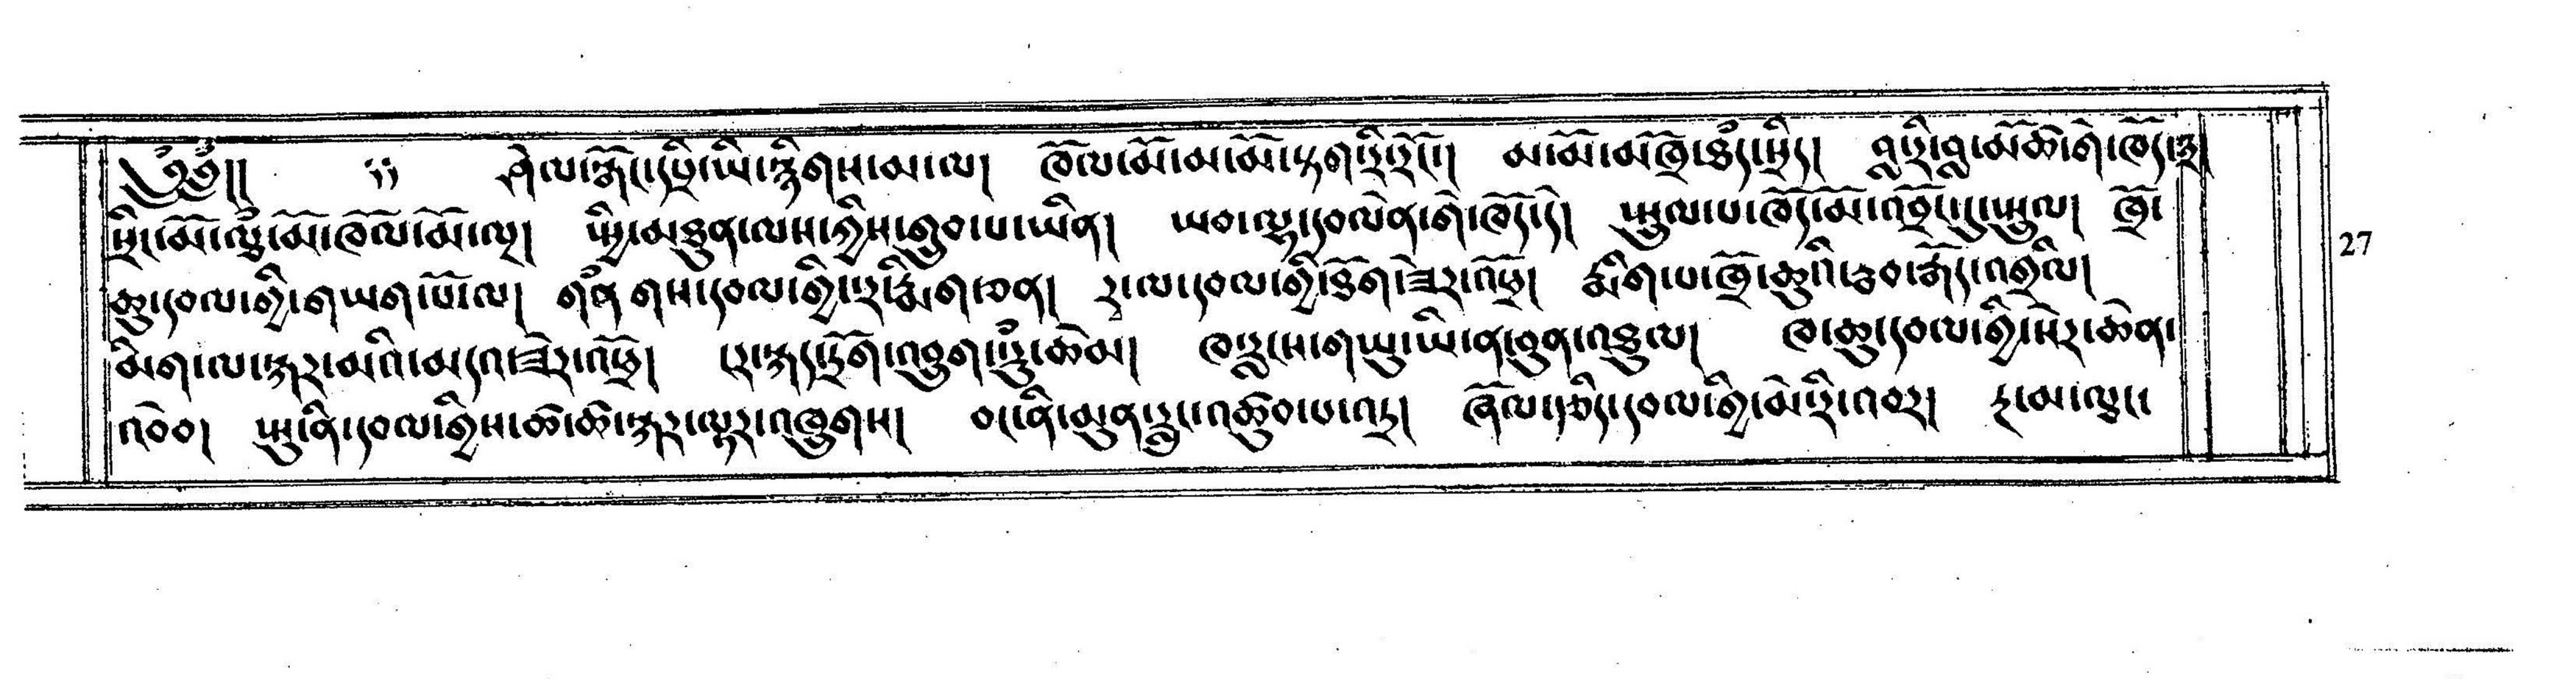ཤེལ་སྒོང་དཔྲི་ཡི་སྙིགས་མ་ལ། ཁོལ་མོ་མ་མོ་སྟག་རི་རོང་། མ་མོ་མཁའ་འགྲོ་ཐམས་ཅད་སྲིད། བླ་རི་བླ་མཚོ་གེ་ཁོད་གསུམ། 
སྲིང་མོ་ལྕམ་མོ་ཁོལ་མོ་ལྔ། སྤྱི་མཐུན་ལས་ཀྱིས་གྲུབ་པ་ཡིན། ཡབ་ལྷ་དབལ་ཆེན་གེ་ཁོད་དེ། སྤྲུལ་པ་ཁོད་མོ་འབྲོང་དུ་སྤྲུལ། ཁྲོ་
ཆུ་དབལ་གྱི་གཡག་པོ་ལ། གནམ་ལྕགས་དབལ་གྱི་ར་རྨིག་ཅན། རྭ་ལ་དབལ་གྱི་ཐོག་ཟེར་འཕྲོ། རྨིག་པ་ཁྲོ་ཆུའི་རྦབ་རྒོད་འགྲིལ། 
མིག་ལ་སྐར་མའི་མདའ་ཟེར་འཕྲོ། ངར་སྐད་དྲག་པོ་འབྲུག་རུཾ་ཆེམ། ཁ་རླངས་གཡུ་ཡི་ན་བུན་འཐུལ། ཁ་ཆུ་དབལ་གྱི་སེར་ཆེན་
འབེབ། སྤུ་ནི་དབལ་གྱིས་ཚ་ཚ་སྐར་ལྟར་འཁྲུགས། བང་ནི་མུན་རླུང་འཚུབ་པ་འདྲ། ཞོལ་རྩིད་དབལ་གྱི་མེ་རི་འབར། རྔ་མ་ལྕང་